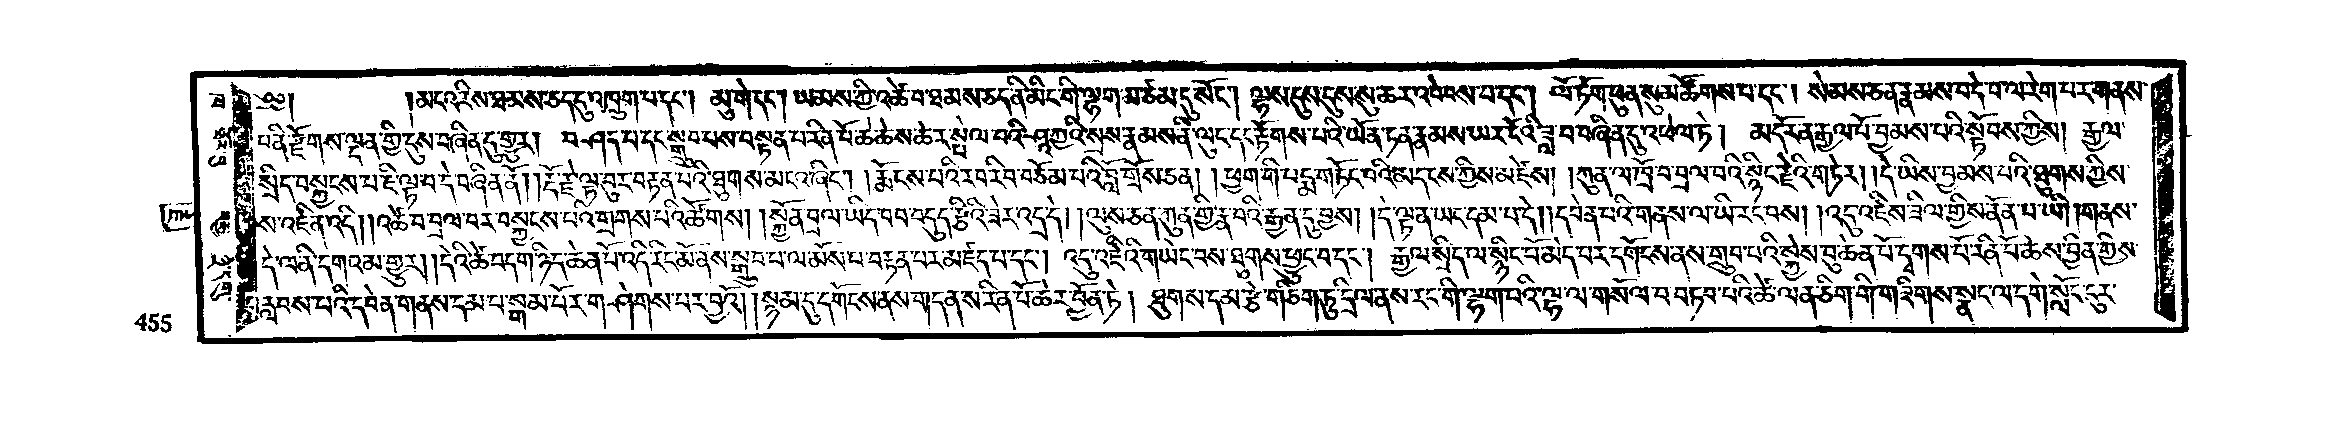༄༅། །མངའ་རིས་ཐམས་ཅད་དུ་འཁྲུག་པ་དང་། མུ་གེ་དང་། ཡམས་ཀྱི་འཚེ་བ་ཐམས་ཅད་ནི་མིང་གི་ལྷག་མ་ཙམ་དུ་སོང་། ལྷས་དུས་དུས་སུ་ཆར་འབེབས་པ་དང་། ལོ་ཏོག་ཕུན་སུམ་ཚོགས་པ་དང་། སེམས་ཅན་རྣམས་བདེ་བ་ལ་རེག་པར་གནས་
པ་ནི་རྫོགས་ལྡན་གྱི་དུས་བཞིན་དུ་གྱུར། བཤད་པ་དང་སྒྲུབ་པས་བསྟན་པ་རིན་པོ་ཆེ་ཆེས་ཆེར་སྤེལ་བའི་ཤཱཀྱའི་སྲས་རྣམས་ནི་ལུང་དང་རྟོགས་པའི་ཡོན་ཏན་རྣམས་ཡར་ངོའི་ཟླ་བ་བཞིན་དུ་འཕེལ་ཏེ། མདོར་ན་རྒྱལ་པོ་བྱམས་པའི་སྟོབས་ཀྱིས། རྒྱལ་
སྲིད་བསྐྱངས་པ་ཇི་ལྟ་བ་དེ་བཞིན་ནོ། །རྡོ་རྗེ་ལྟ་བུར་བརྟན་པའི་ཐུགས་མངའ་ཞིང་། །རྨོངས་པའི་རབ་རིབ་བཅོམ་པའི་བློ་གྲོས་ཅན། །ཕྱག་གི་པདམ་གཏོང་པའི་མདངས་ཀྱིས་མཛེས། །ཀུན་ལ་ཁྲོ་བ་བྲལ་བའི་སྙིང་རྗེའི་གཏེར། །དེ་ཡིས་བྱམས་པའི་ཐུགས་ཀྱིས་
ས་འཛིན་འདི། །འཚེ་བ་བྲལ་བར་བསྐྱངས་པའི་གྲགས་པའི་ཚོགས། །སྐྱོན་བྲལ་ཡིད་བབ་བདུད་རྩིའི་ཟེར་འདྲ་དེ། །ལུས་ཅན་ཀུན་གྱི་རྣ་བའི་རྒྱན་དུ་བྱས། །དེ་ལྟ་ན་ཡང་དམ་པ་དེ། །དབེན་པའི་གནས་ལ་ཡི་རང་བས། །འདུ་འཛིས་ཟིལ་གྱིས་ནོན་པ་ཡི། །གནས་
དེ་ལ་ནི་དགའ་མ་གྱུར། །དའི་ཚེ་བདག་ཉིད་ཆེན་པོ་འདི་རིང་མོ་ནས་སྒྲུབ་པ་ལ་མོས་པ་བརྟན་པར་མཛད་པ་དང་། འདུ་འཛིའི་གཡེང་བས་ཐུགས་ཕྱུང་བ་དང་། རྒྱལ་སྲིད་ལ་སྙིང་པོ་མེད་པར་དགོངས་ནས་གྲུབ་པའི་སྐྱེས་བུ་ཆེན་པོ་དྭགས་པོ་རིན་པོ་ཆེས་བྱིན་གྱིས་
རླབས་པའི་དབེན་གནས་དམ་པ་སྒམ་པོར་གཤེགས་པར་བྱའོ། །སྙམ་དུ་དགོངས་ནས་གདན་ས་རིན་པོ་ཆེར་བྱོན་ཏེ། ཐུགས་དམ་རྩེ་གཅིག་ཏུ་དྲིལ་ནས་རང་གི་ལྷག་པའི་ལྷ་ལ་གསོལ་བ་བཏབ་པའི་ཚེ་ལན་ཅིག་གི་གཟིགས་སྣང་ལ་དགེ་སློང་ངུར་